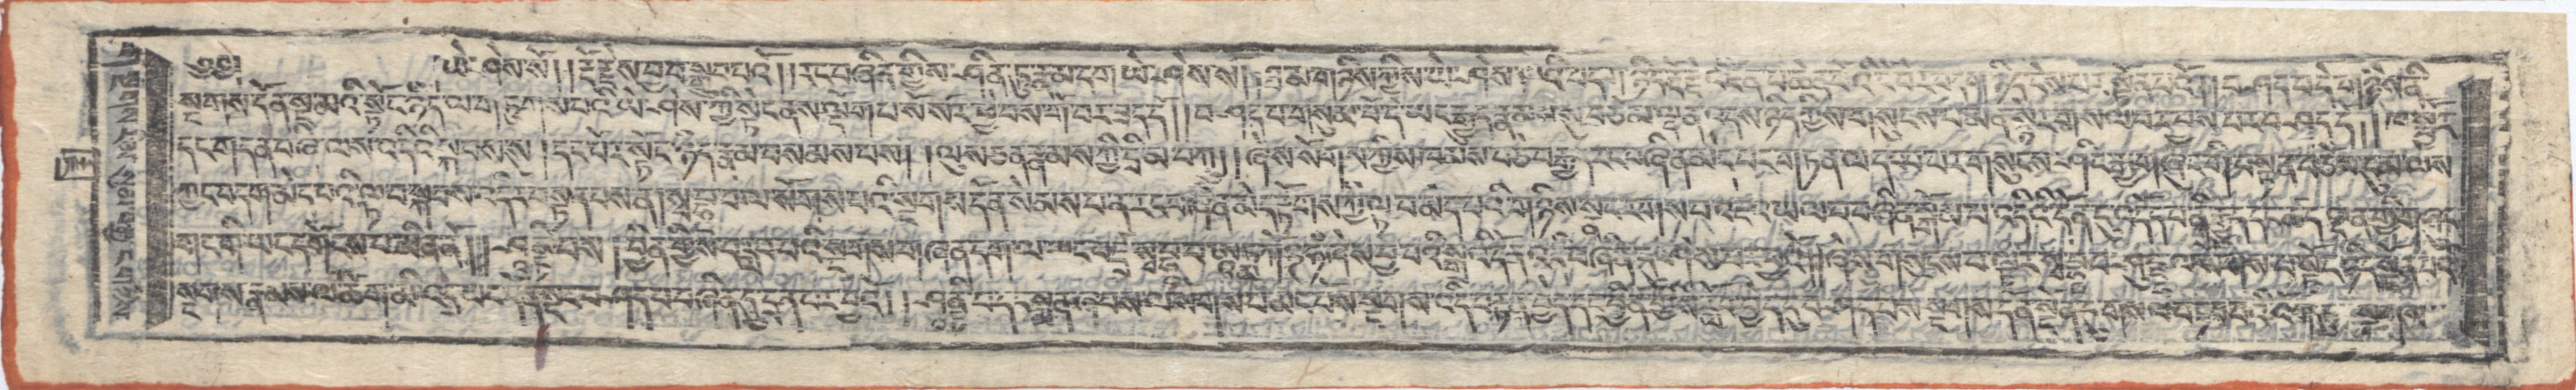༄༅། །ཡེ་ཤེས་སོ། །རྡོ་རྗེས་བྱ་བ་སྒྲུབ་པའོ། །རང་བཞིན་གྱིས་ཤིན་ཏུ་རྣམ་དག་ཡེ་ཤེས་སོ། །ཐ་མ་གཉིས་ཀྱིས་ཡེ་ཤེས་ལྔའི་བདག་ཉིད་རྡོ་རྗེ་འཛིན་པ་ཆེན་པོའི་ངོ་བོར་བདག་ཉིད་ངེས་པར་སྟོན་པའོ། །བཤད་པ་དེ་གཉིས་ནི་
སྔགས་དོན་སྔ་མའི་སྟོང་ཉིད་ལ་གཏུགས་པའི་ཡེ་ཤེས་ཀྱི་སྟེང་ནས་ལྡོག་པ་སོ་སོར་ཕྱེ་བས་གོ་བར་ཟད་དོ། །བཤད་པ་གསུམ་པོ་དེ་ཡང་རྒྱུད་རྣམས་སུ་བཅོམ་ལྡན་འདས་ཉིད་ཀྱིས་གསུངས་པ་མན་སྙེར་གསལ་བར་བྱས་པར་བཤད་དོ། །ཁ་སྦྱོར་
དང་གདན་བཞི་ལས་འདིའི་སྐབས་སུ། དང་པོར་སྟོང་ཉིད་རྣམ་བསམས་པས། །ལུས་ཅན་རྣམས་ཀྱི་དྲི་མ་བཀྲུ། །ཞེས་སོགས་ཀྱིས་ཁམས་བཅོ་བརྒྱད་རང་བཞིན་མེད་པར་གཏན་ལ་དབབ་པར་གསུངས་ཤིང་རྒྱ་གཞུང་གི་བསྟན་བཅོས་དུ་མ་ལས་
ཀྱང་བདག་མེད་པའི་ལྟ་བ་སྐབས་འདིར་བསྟན་པས་ན། སྭ་བྷཱ་བ་ལ་སོགས་པའི་སྔགས་དོན་སེམས་པ་ན་རང་བཞིན་མེད་རྟོགས་ཀྱི་ལྟ་བ་མེད་པའི་གཉིས་སྣང་རགས་པ་འཇའ་ཡལ་བ་བཞིན་སྒོམ་པ་འདིའི་དོན་དུ་འདོད་པ་ནི་རྒྱུད་དང་ཚད་ལྡན་གྱི་གཞུང་
གང་གི་ཡང་དགོངས་པ་མིན་ནོ། །ཤཱནྟི་པས། བྱིན་གྱིས་བརླབ་པའི་སྔགས་གཞན་དག་ལ་ཡང་བཛྲ་སྭ་བྷཱ་བ་ཨཱཏྨ་ཀོཉ་ཧཾ་ཞེས་བྱ་བའི་སྒྲའི་དོན་འདི་བཞིན་དུ་ཤེས་པར་བྱའོ། །ཞེས་གསུངས་པ་ལྟར་སྭ་བྷཱ་བ་ཤུདྡྷ་ལ་སོགས་པ་སྟོང་ཉིད་སྟོན་པའི་
སྔགས་རྣམས་ལ་ཚིག་མི་འདྲ་ཡང་དོན་སྔར་བཤད་པ་བཞིན་དུ་དྲན་པར་བྱའོ། །ཤཱནྟི་པ་དང་སྨན་ཞབས་ལ་སོགས་པ་མང་པོས་སྔགས་འདི་བརྟན་བྱེད་དང་བྱིན་གྱིས་རློབ་བྱེད་དུ་བཤད་པས་སྔགས་དོན་སྔོན་དུ་གསལ་བཏབ་པའི་འོག་ཏུ་སྔགས་